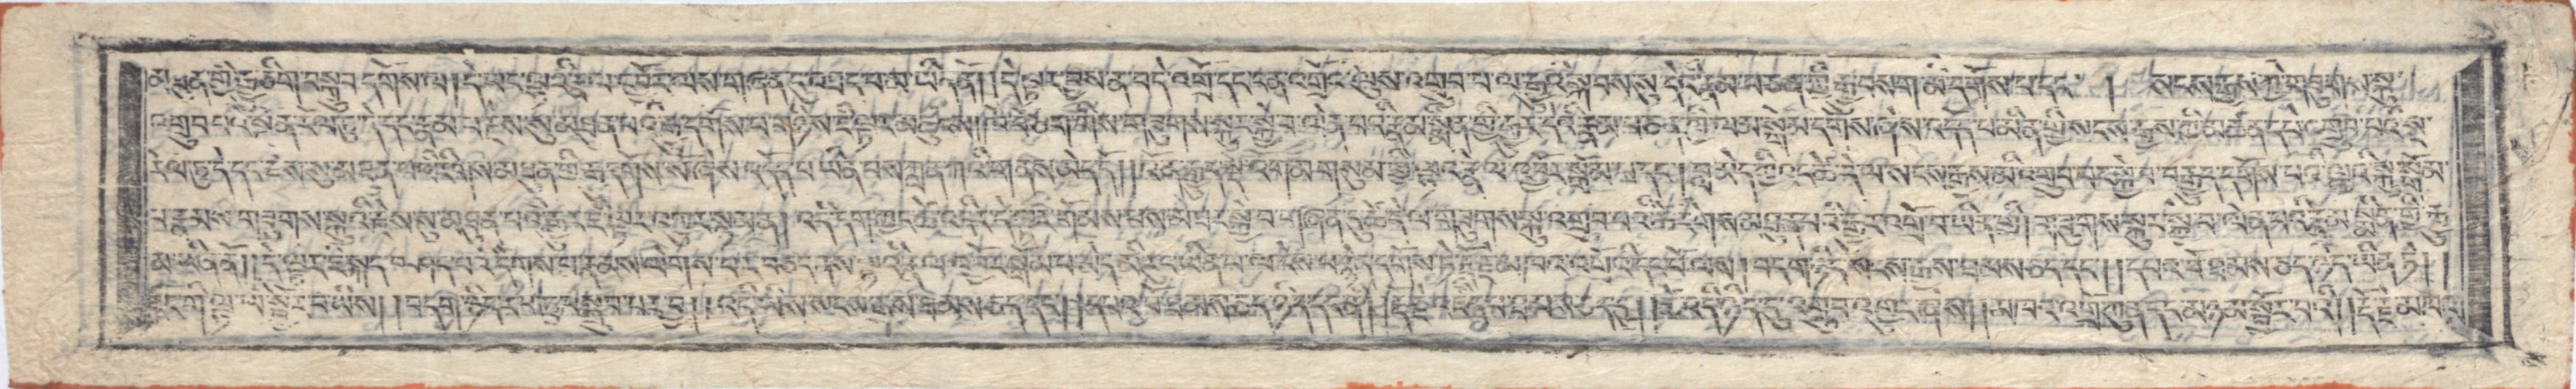མཐུན་གྱི་རྒྱུ་ཅིག་བསྒྲུབ་དགོས་ལ། དེ་ཡང་ལྷའི་རྣལ་འབྱོར་ལས་གཞན་དུ་འཐད་པ་མ་ཡིན་ནོ། །དེ་ལྟར་བྱས་ན་བདེ་འགྲོ་དང་ངན་འགྲོའི་ལུས་འགྲུབ་པ་ལ་རྒྱུའི་སྐབས་སུ་དེའི་རྣམ་པ་ཅན་གྱི་རྒྱུ་བསག་མི་དགོས་པ་དང་། སངས་རྒྱས་ཀྱི་གཟུགས་སྐུ་
འགྲུབ་པའི་སྔོན་རོལ་ཏུ་དེ་དང་རྣམ་པ་རྗེས་སུ་མཐུན་པའི་རྒྱུ་དགོས་པ་གཉིས་ཇི་ལྟར་མཚུངས། ཁོ་བོ་ཅག་གིས་གཟུགས་སྐུར་སྐྱེ་བ་ལེན་པའི་རྣམ་སྨིན་གྱི་རྒྱུར་དེའི་རྣམ་པ་ཅན་གྱི་ལམ་སྒོམ་དགོས་ཞེས་འདོད་པ་མིན་གྱི་སངས་རྒྱས་ཀྱི་མཚན་དཔེ་འགྲུབ་པའི་སྔ་
རོལ་ཏུ་དེ་དང་རྗེས་སུ་མཐུན་པའི་རིགས་མཐུན་གྱི་རྒྱུ་དགོས་སོ་ཞེས་འདོད་པ་ཡིན་པས་ཀླན་ཀའི་གནས་མེད་དོ། །འོ་ན་རྒྱུད་སྡེ་འོག་མ་གསུམ་གྱི་ལྷའི་རྣལ་འབྱོར་སྒོམ་པ་དང་། བླ་མེད་ཀྱིའང་ཚེ་དེ་ལ་སངས་རྒྱས་མི་འགྲུབ་པར་སྐྱེ་བ་བརྒྱུད་དགོས་པའི་ལྷའི་སྐུ་སྒོམ་
པ་རྣམས་གཟུགས་སྐུའི་རྗེས་སུ་མཐུན་པའི་རྒྱུར་ཇི་ལྟར་འགྱུར་སྙམ་ན། འདི་དག་ཀྱང་ཚེ་འདིར་དེ་ལྟར་གོམས་པས་མཐར་སྐྱེ་བ་གཞན་དུ་ཚེ་དེ་ལ་གཟུགས་སྐུ་འགྲུབ་པའི་ཚེ་རིགས་མཐུན་པའི་རྒྱུར་འགྲོ་བ་ཡིན་གྱི། གཟུགས་སྐུར་སྐྱེ་བ་ལེན་པའི་རྣམ་སྨིན་གྱི་རྒྱུ་
མ་ཡིན་ནོ། །དེ་ལྟར་ཇི་སྐད་བཤད་པའི་དོགས་པ་རྣམས་ལེགས་པར་བཅད་ནས་ལྷའི་རྣལ་འབྱོར་སྒོམ་པ་མེད་མི་རུང་ཡིན་པ་ལ་ངེས་པ་རྙེད་དགོས་ཏེ་རྡོ་རྗེ་མཁའ་འགྲོའི་དང་པོ་ལས། བདག་ཉིད་སངས་རྒྱས་ཐམས་ཅད་དང་། །དཔའ་བོ་ཐམས་ཅད་ཉིད་ཡིན་ཏེ། །
རང་གི་ལྷ་ཡི་སྦྱོར་བ་ཡིས། །བདག་ཉིད་རབ་ཏུ་བསྒྲུབ་པར་བྱ། །འདི་ཡིས་སངས་རྒྱས་ཐམས་ཅད་དང་། །དཔའ་བོ་ཐམས་ཅད་ཉིད་དང་ནི། །རྡོ་རྗེ་འཛིན་པ་ཐམས་ཅད་དུ། །ཚེ་འདི་ཉིད་དུ་འགྲུབ་འགྱུར་ཞེས། །མཁའ་འགྲོ་ཀུན་དང་མཉམ་སྦྱོར་བའི། །རྡོ་རྗེ་མཁའ་